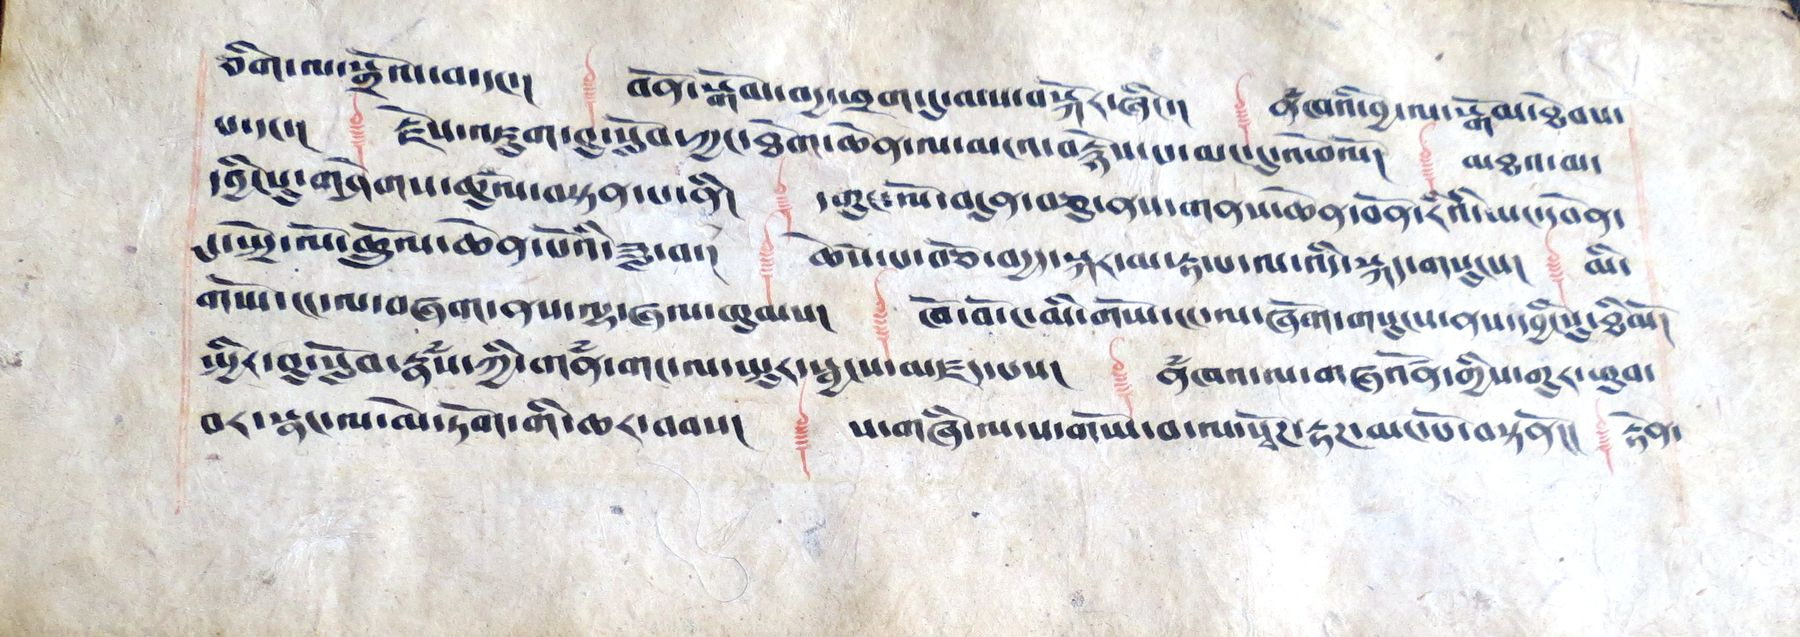ཅིག་ལ་སྒྲོལ་བ་དང་། བོན་སྒོམ་བརྒྱ་ཕྲག་དུ་མས་བསྐོར་ཞིང་ནམ་མཁའི་བྱ་ལ་སྒོམ་ཐེབས་
པ་དང་། རྗེས་འཇུག་བུ་སློབ་ཀྱང་ཐེག་ཆེན་ལ་མངའ་བརྙེས་པ་མང་དུ་འཕེལ་ལོ། ། མཐའ་མ་
དབྱིངས་སུ་གཤེགས་ཚུལ་བསྟན་པ་ནི། དགུང་ལོ་བདུན་ཅུ་ནས་གནས་ཆེན་བོན་རིའི་ཡང་དབེན་
དུ་སྤྲེལ་ལོ་ཆོ་འཕྲུལ་ཆེན་པོའི་ཟླ་བ་ཚེས་པ་བཅོ་བརྒྱད་སྐར་མ་རྟ་པ་ལ་འདི་སྐད་གསུངས། མི་
གཡོ་ངང་ལ་བཞག་ན་ལྷ་ཞལ་ཁུམས། ཁོ་བོ་ང་མི་གཡོ་ངང་ལ་ཞོག་གསུངས་ནས་དབྱིངས་སུ་ཐིམ་མོ། 
སྤྱིར་བུ་སློབ་རྣམས་ཀྱིས་གནམ་གང་ལ་སྤུར་སྦྱངས་མཛད་པས། ནམ་མཁའ་ལ་གཞའ་ཚོན་གྱིས་གུར་ཕུབས། 
བར་སྣང་ལ་མེ་ཏོག་གི་ཆར་བབས། ས་གཞི་ལ་ས་གཡོ་བ་ལ་སོགས་རྟགས་མང་པོ་བསྟན་ནོ། ། རྟེན་